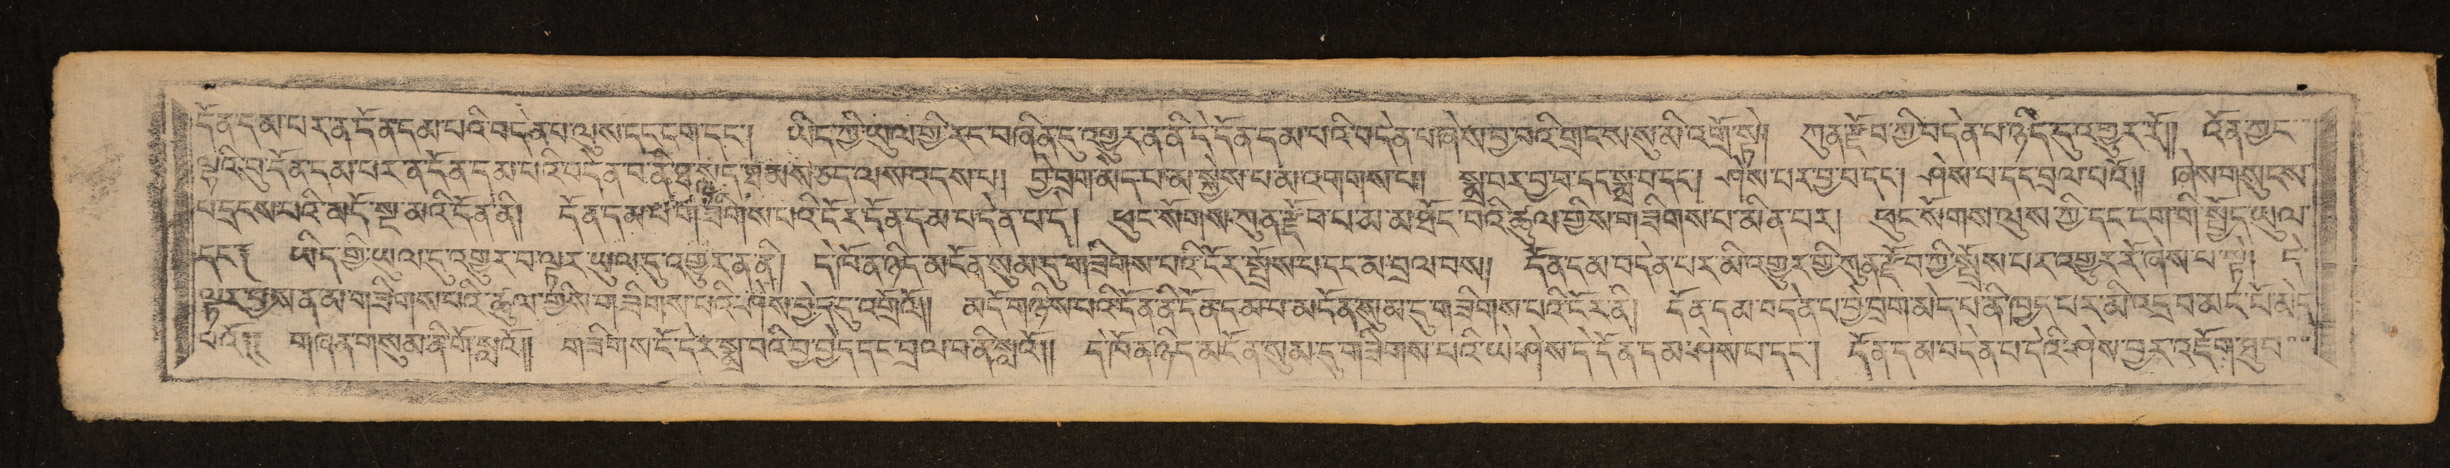དོན་དམ་པར་ན་དོན་དམ་པའི་བདེན་པ་ལུས་དང་ངག་དང་། ཡིད་ཀྱི་ཡུལ་གྱི་རང་བཞིན་དུ་འགྱུར་ན་ནི་དེ་དོན་དམ་པའི་བདེན་པ་ཞེས་བྱ་བའི་གྲངས་སུ་མི་འགྲོ་སྟེ། ཀུན་རྫོབ་ཀྱི་བདེན་པ་ཉིད་དུ་འགྱུར་རོ།། འོན་ཀྱང་
ལྷའི་བུ་དོན་དམ་པར་ན་དོན་དམ་པའི་བདེན་པ་ནི་ཐ་སྙད་ཐམས་ཅད་ལས་འདས་པ། བྱེ་བྲག་མེད་པ་མ་སྐྱེས་པ་མ་འགགས་པ། སྨྲ་བར་བྱ་བ་དང་སྨྲ་བ་དང་། ཤེས་པར་བྱ་བ་དང་། ཤེས་པ་དང་བྲལ་བའོ།། ཞེས་གསུངས་
པ་དྲངས་པའི་མདོ་སྔ་མའི་དོན་ནི། དོན་དམ་པ་གཟིགས་པའི་ངོར་དོན་དམ་བདེན་པ་དེ། ཕུང་སོགས་ཀུན་རྫོབ་པ་མ་མཐོང་བའི་ཚུལ་གྱིས་གཟིགས་པ་མིན་པར། ཕུང་སོགས་ལུས་ཀྱི་དང་ངག་གི་སྤྱོད་ཡུལ་
དང༑ ཡིད་ཀྱི་ཡུལ་དུ་འགྱུར་བ་ལྟར་ཡུལ་དུ་འགྱུར་ན་ནི། དེ་ཁོ་ན་ཉིད་མངོན་སུམ་དུ་གཟིགས་པའི་ངོར་སྤྲོས་པ་དང་མ་བྲལ་བས། དོན་དམ་བདེན་པར་མི་འགྱུར་གྱི་ཀུན་རྫོབ་ཀྱི་སྤྲོས་པར་འགྱུར་རོ་ཞེས་པ་སྟེ། དེ་
ལྟར་བྱས་ན་མ་གཟིགས་པའི་ཚུལ་གྱིས་གཟིགས་པའི་ཤེས་བྱེད་དུ་འགྲོའོ།། མདོ་གཉིས་པའི་དོན་ནི་དོན་དམ་པ་མངོན་སུམ་དུ་གཟིགས་པའི་ངོར་ནི། དོན་དམ་བདེན་པ་བྱེ་བྲག་མེད་པ་ནི་ཁྱད་པར་མི་འདྲ་བ་མང་པོ་མེད་
པའོ༑༑ གཞན་གསུམ་ནི་གོ་སླའོ།། གཟིགས་ངོ་དེར་སྨྲ་བའི་བྱ་བྱེད་དང་བྲལ་བ་ནི་སླའོ།། དེ་ཁོ་ན་ཉིད་མངོན་སུམ་དུ་གཟིགས་པའི་ཡེ་ཤེས་དེ་དོན་དམ་ཤེས་པ་དང་། དོན་དམ་བདེན་པ་དེའི་ཤེས་བྱར་འཇོག་ཐུབ་